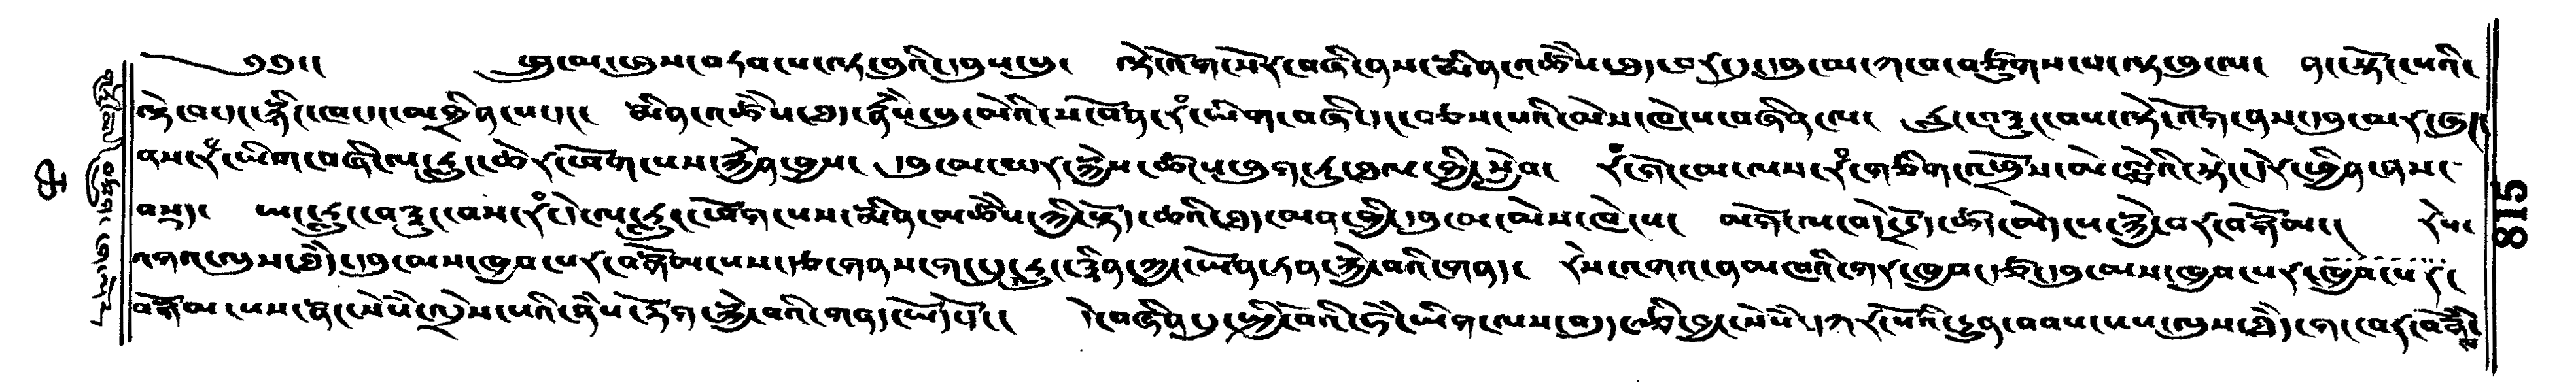ཕྲུ་མ་ཕུས་བཏབ་པ་ལྟ་བུའི་དབུས་སུ། ལྟེ་འོག་སོར་བཞི་ནས་སྨིན་མཚམས་ཐད་བར་དུ་དབུ་མ་ཀ་བ་བཙུགས་པ་ལྟ་བུ་ལ། ནང་སྟོང་པའི་
ལྟེ་བ་དང་སྙིང་ཁ་དང་མགྲིན་པ་དང་། སྨིན་མཚམས་ཐད་རྣམས་སུ་མེའི་ས་བོན་རྃ་ཡིག་བཞི་དང་བཅས་པའི་མེས་ཁེངས་བཞིན་ལ། རླུང་བཟུང་བས་ལྟེ་འོག་ནས་དབུ་མར་ཞུགས་
ནས་རྃ་ཡིག་བཞི་ལ་རླུང་ཆེན་ཕོག་པས་རྐྱེན་བྱས། དབུ་མ་ཡར་སྐྱེས་ཚངས་བུག་ཏུ་ཐལ་གྱི་སླེབ། རྃ་གོང་མ་ལས་རྃ་གཅིག་འཕྲོས། མེ་ལྕེའི་སྟེང་དེར་ཕྱིན་ནས་
བསྡད། ཡང་རླུང་བཟུང་བས་རྃ་དེ་ལ་རླུང་ཕོག་པས་སྨིན་མཚམས་ཀྱི་སྟོད་ཆའི་ཐད་མན་གྱི་དབུ་མ་མེས་ཁེངས། མགོ་ལ་བདེ་དྲོད་ཚད་མེད་པ་སྐྱེས་བར་བསྒོམ། རེས་
འགའ་ལུས་ཐམས་ཅད་དབུ་མས་ཁྱབ་པར་བསྒོམ་པས་རྩ་གནས་གང་དུ་རླུང་ཟིན་ཀྱང་ཡོན་ཏན་སྐྱེ་བའི་གནད། རེས་འགའ་ནམ་མཁའི་གར་ཁྱབ་རྩ་དབུ་མས་ཁྱབ་པར་
བསྒོམ་པས་སྣང་སེམས་འདྲེས་པའི་རྣམ་རྟོག་སྐྱེ་བའི་གནད་ཡོད་དོ། དེ་བཞིན་དུ་སྤྱི་བོའི་ཧཾ་ཡིག་ལས་བདུད་རྩི་བྱང་སེམས་དཀར་པོའི་རྒྱུན་བབས་པས་ལུས་ཐམས་ཅད་གང་བར་བསྒོམ་